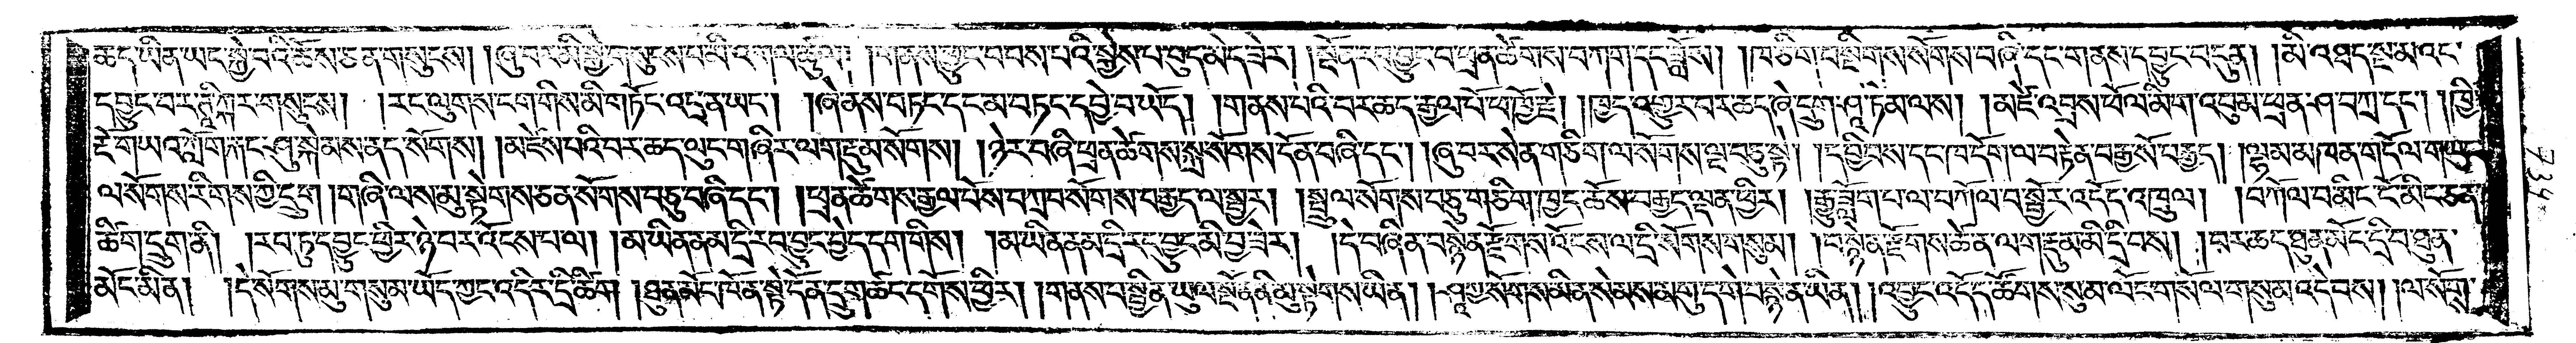ཆད་ཡིན་ཡང་སྐྱེ་བའི་ཆོས་ཅན་གསུངས། །ཞུ་བར་མི་སྐྱེ་གསུངས་པ་མི་འགལ་ཚུལ། །གནས་ཕྱུང་བབས་པའི་སྐྱེས་པ་བུད་མེད་ཟེར། །སྔོན་རབ་བྱུང་བ་ཕྲན་ཚེགས་བཀག་དང་ཟློས། །ཁ་ཅིག་བསྡིགས་སོགས་བཞི་དང་གནས་དབྱུང་བདུན། །མི་འཐད་སྔ་མའང་
དབྱུང་བར་ཊཱིཀྐར་གསུངས། །རང་ལུགས་དག་གིས་མི་གཏོང་འདྲ་ན་ཡང་། །ཞེ་ནས་བཏང་དང་མ་བཏང་དབྱེ་བ་ཡོད། །གནས་པའི་བར་ཆད་རྒྱལ་པོ་ཕ་ཁྱོ་རྗེ། །ཁྱད་འགྱུར་བར་ཆད་ཞེ་དྲུག་ཤཱ་ཏམ་ལས། །མཛེ་འབྲས་ཕོལ་མིག་འབུམ་ཕྲན་ཤ་བཀྲ་དང་། །ཁྱི་
གཡའ་ཀློག་རྐང་ཤུ་སྐེམས་ནད་སོགས། །མཛེས་པའི་བར་ཆད་ལུང་གཞིར་ལག་རྡུམ་སོགས། །ཉེར་བཞི་ཕྲན་ཚེགས་སྐྲ་སོགས་དོན་བཞི་དང་། །ཞུ་བར་སེན་གཅིག་ལ་སོགས་ལྔ་བཅུ་སྟེ། །དབྱིབས་དང་ཁ་དོག་ལ་བརྟེན་བརྒྱ་སོ་བརྒྱད། །ལྷམ་མཁན་གདོལ་གཡུང་
སོགས་རིགས་ཀྱི་དྲག །གཞི་ལས་མུ་སྟེགས་ཅན་སོགས་བཅུ་བཞི་དང་། །ཕྲན་ཚེགས་རྒྱལ་པོས་བཀྲབ་སོགས་བརྒྱད་ལ་སྦྱར། །སྤྲུལ་སོགས་བཅུ་གཅིག་ཁྱད་ཆོས་བརྒྱད་ལྡན་ཕྱིར། །རྒྱུ་ཟློག་པ་ལ་བཀོལ་བ་སྦྱོར་འདོད་འཁྲུལ། །བཀོལ་བ་མིང་ངོ་མིང་ཅན་
ག་དྲུག་ནི། །རབ་ཏུ་དབྱུང་ཕྱིར་ཉེ་བར་འོངས་པ་ལ། །མ་ཡིན་ནམ་དྲི་རབ་བྱུང་བྱེད་དག་གིས། །མ་ཡིན་ནམ་དྲི་རང་བྱུང་མི་བྱ་ཟེར། །དེ་བཞིན་བསྙེན་རྫོགས་འོངས་ལ་དྲི་སོགས་གསུམ། །བསྙེན་རྫོགས་ཚེན་ལག་རྡུམ་མི་དྲིབས། །བར་ཆད་ཐུན་མོང་དྲི་བ་ཐུན་
ང་མིན། །དེ་སོགས་མུ་གསུམ་ཡོད་ཀྱང་འདིར་དྲི་ཚིག། །ཐུན་མོང་ཁོ་ན་སྟེ་དོན་དྲུག་ཚད་དགོས་ཕྱིར། །གནས་བ་སྦྱིན་ཡུལ་སྔོན་ནི་མུ་སྟེགས་ཡིན། །ཤཱཀྱ་སོགས་མིན་སེམས་མགུ་དགེ་བསྙེན་ཡིན། །འབྱུང་འདོད་ཚོགས་སུམ་ལོང་གསོལ་གསུམ་འདེབས། །ལ་སོགས་